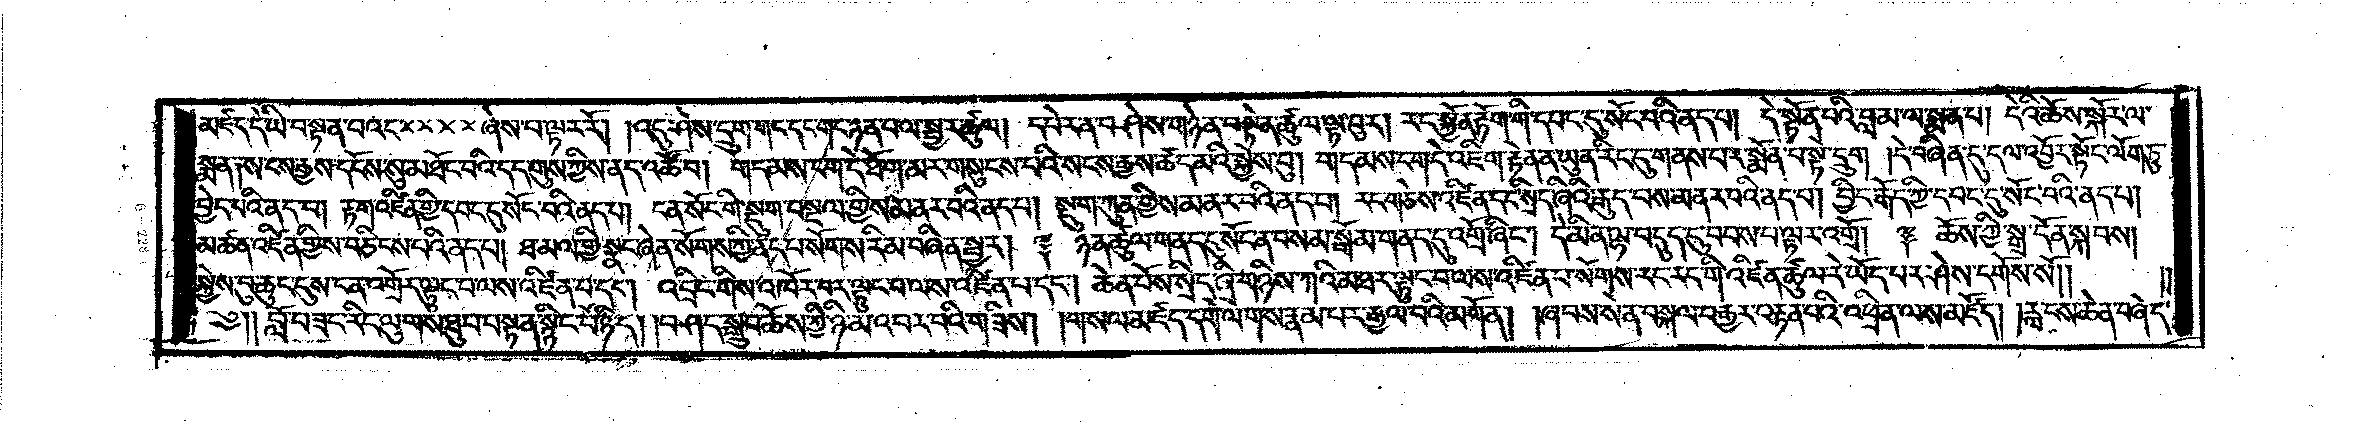མཛད་དེ་ཡི་བསྟན་པའང་྾྾྾་ཞེས་བ་ལྟར་རོ། །འདུ་ཤེས་དྲུག་གང་དང་གང་ཉན་པ་ལ་སྦྱར་ཚུལ། དཔེར་ན་བཤེས་གཉེན་བསྟེན་ཚུལ་ལྟ་བུར། རང་སྐྱོན་རྟོག་གི་དབང་དུ་སོང་བའི་ནད་པ། དེ་སྟོན་པའི་བླ་མ་ལ་སྨན་པ། དེའི་ཆོས་སྐོར་ལ་
སྨན༑ སངས་རྒྱས་དངོས་སུ་མཐོང་བའི་དང་གུས་ཀྱིས་ནད་འཚོ་བ། གདམས་ངག་དེ་ཐོག་མར་གསུངས་བའི་སངས་རྒྱས་ཚད་མའི་སྐྱེས་བུ། གདམས་ངག་དེ་འཇིག་རྟེན་ན་ཡུན་རིང་དུ་གནས་པར་སྨོན་པ་སྟེ་དྲུག །དེ་བཞིན་དུ་དལ་འབྱོར་སྟོང་ལོག་ཏུ་
བྱེད་པའི་ནད་བ། རྟག་འཛིན་གྱི་དབང་དུ་སོང་བའི་ནད་བ། ངན་སོང་གི་སྡུག་བསྔལ་གྱིས་མནར་བའི་ནད་བ། སྡུག་ཀུན་གྱིས་མནར་བའི་ནད་པ། རང་གཅེས་འཛིན་དང་སྲིད་ཞིའི་རྒུད་པས་མནར་བའི་ནད་པ། བྱིང་རྒོད་ཀྱི་དབང་དུ་སོང་བའི་ནད་པ།
མཚན་འཛིན་གྱིས་བཅིངས་བའི་ནད་པ། ཐ་མལ་གྱི་སྣང་ཞེན་སོགས་ཀྱི་ནད་བ་སོགས་རིམ་བཞིན་སྦྱར། ༈ ཉན་ཚུལ་གནད་དུ་སོང་ན་བསམ་སྒོམ་གནད་དུ་འགྲོ་ཞིང་། དེ་མིན་ལྷ་བདུད་དུ་བབས་པ་ལྟར་འགྲོ། ༈ ཆོས་ཀྱི་སྒྲ་དོན་སྐབས།
སྐྱེས་བུ་ཆུང་དུས་ངན་འགྲོར་ལྟུང་བ་ལས་འཛིན་པ་དང་། འབྲིང་གིས་འཁོར་བར་ལྟུང་བ་ལས་འཛིན་པ་དང་། ཆེན་པོས་སྲིད་ཞི་གཉིས་ཀའི་མཐར་ལྟུང་བ་ལས་འཛིན་པ་སོགས་རང་རང་གི་འཛིན་ཚུལ་རེ་ཡོད་པར་ཤེས་དགོས་སོ།། །།
༄༅། །བློ་བཟང་རིང་ལུགས་ཐུབ་བསྟན་སྙིང་པོ་ཉིད། །བཤད་སྒྲུབ་ཆོས་ཀྱི་ཉི་མ་འབར་བའི་གཟིས། །གསལ་མཛད་དགེ་ལེགས་རྣམ་པར་རྒྱལ་བའི་མགོན། །ཞབས་སེན་བསྐལ་བརྒྱར་བརྟན་པའི་འཕྲིན་ལས་མཛོད། །རླངས་ཆེན་བཞེད་